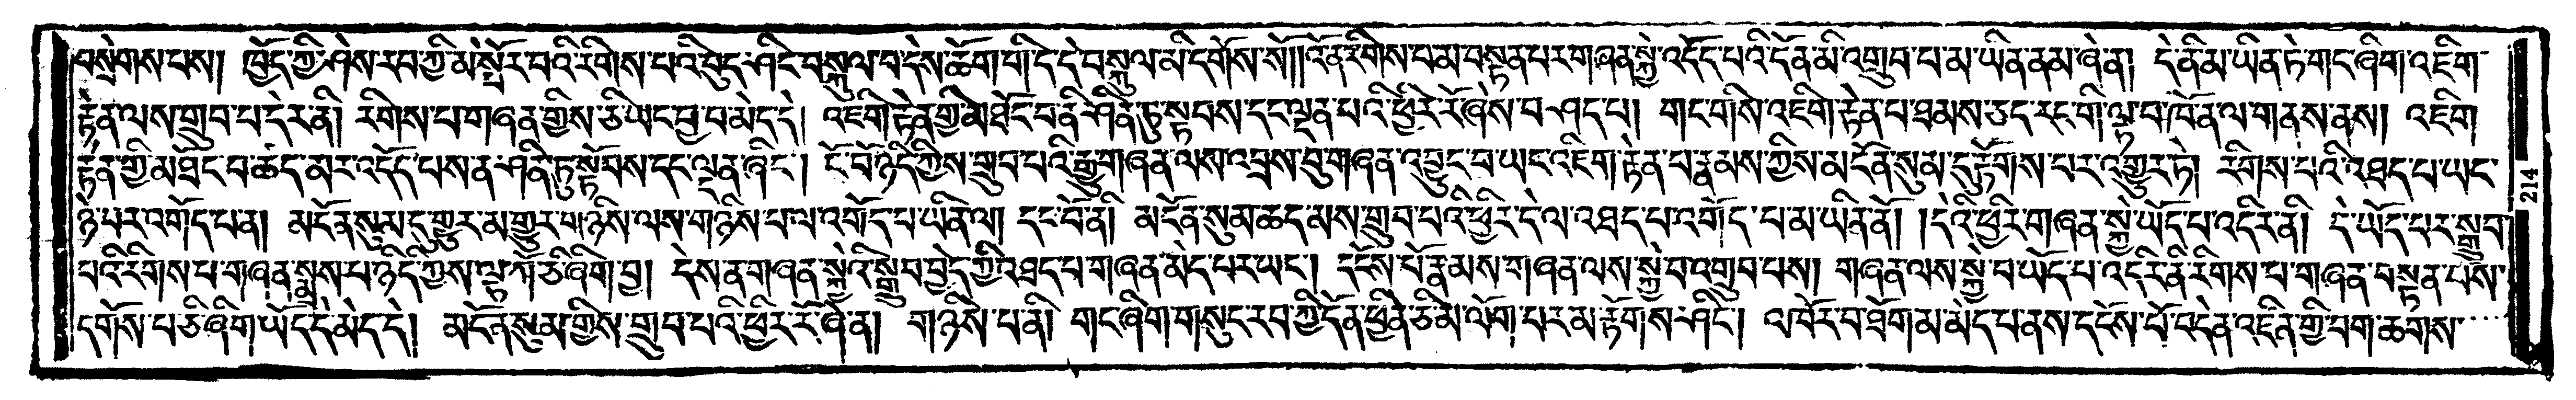བསྲེགས་པས། ཁྱོད་ཀྱི་ཤེས་རབ་ཀྱི་མེ་སྦོར་བའི་རིགས་པའི་བུད་ཤིང་བསྐུལ་བ་དེས་ཆོག་གི་ད་དེ་བསྐུལ་མི་དགོས་སོ། །འོ་ན་རིགས་པ་མ་བསྟན་པར་གཞན་སྐྱེ་འདོད་པའི་དོན་མི་འགྲུབ་པ་མ་ཡིན་ནམ་ཞེ་ན། དེ་ནི་མ་ཡིན་ཏེ་གང་ཞིག་འཇིག་
རྟེན་ལས་གྲུབ་པ་དེར་ནི། རིགས་པ་གཞན་གྱིས་ཅི་ཡང་བྱ་བ་མེད་དེ། འཇིག་རྟེན་གྱི་མཐོང་བ་ནི་ཤིན་ཏུ་སྟོབས་དང་ལྡན་པའི་ཕྱིར་རོ་ཞེས་བཤད་པ། གང་གིས་འཇིག་རྟེན་པ་ཐམས་ཅད་རང་གི་ལྟ་བ་ཁོ་ན་ལ་གནས་ནས། འཇིག་
རྟེན་གྱི་མཐོང་བ་ཚད་མར་འདོད་པས་ན་ཤིན་ཏུ་སྟོབས་དང་ལྡན་ཞིང་། ངོ་བོ་ཉིད་ཀྱིས་གྲུབ་པའི་རྒྱུ་གཞན་ལས་འབྲས་བུ་གཞན་འབྱུང་བ་ཡང་འཇིག་རྟེན་པ་རྣམས་ཀྱིས་མངོན་སུམ་དུ་རྟོགས་པར་འགྱུར་ཏེ། རིགས་པའི་འཐད་པ་ཡང་
ཉེ་བར་འགོད་པ་ན། མངོན་སུམ་དུ་གྱུར་མ་གྱུར་གཉིས་ལས་གཉིས་པ་ལ་འགོད་པ་ཡིན་ལ། དང་པོ་ནི། མངོན་སུམ་ཚད་མས་གྲུབ་པའི་ཕྱིར་དེ་ལ་འཐད་པ་འགོད་པ་མ་ཡིན་ནོ། །དེའི་ཕྱིར་གཞན་སྐྱེ་ཡོད་པ་འདིར་ནི། དེ་ཡོད་པར་སྒྲུབ་
པའི་རིགས་པ་གཞན་སྨྲས་པ་ཉིད་ཀྱིས་ལྟ་ཀོ་ཅི་ཞིག་བྱ། དེས་ན་གཞན་སྐྱེའི་སྒྲུབ་བྱེད་ཀྱི་འཐད་པ་གཞན་མེད་པར་ཡང་། དངོས་པོ་རྣམས་གཞན་ལས་སྐྱེ་བ་འགྲུབ་པས། གཞན་ལས་སྐྱེ་བ་ཡོད་པ་འདིར་ནི་རིགས་པ་གཞན་བསྟན་པས་
དགོས་པ་ཅི་ཞིག་ཡོད་དེ་མེད་དེ། མངོན་སུམ་གྱིས་གྲུབ་པའི་ཕྱིར་རོ་ཞེ་ན། གཉིས་པ་ནི། གང་ཞིག་གསུང་རབ་ཀྱི་དོན་ཕྱིན་ཅི་མ་ལོག་པར་མ་རྟོགས་ཤིང་། འཁོར་བ་ཐོག་མ་མེད་པ་ནས་དངོས་པོ་བདེན་འཛིན་གྱི་བག་ཆགས་